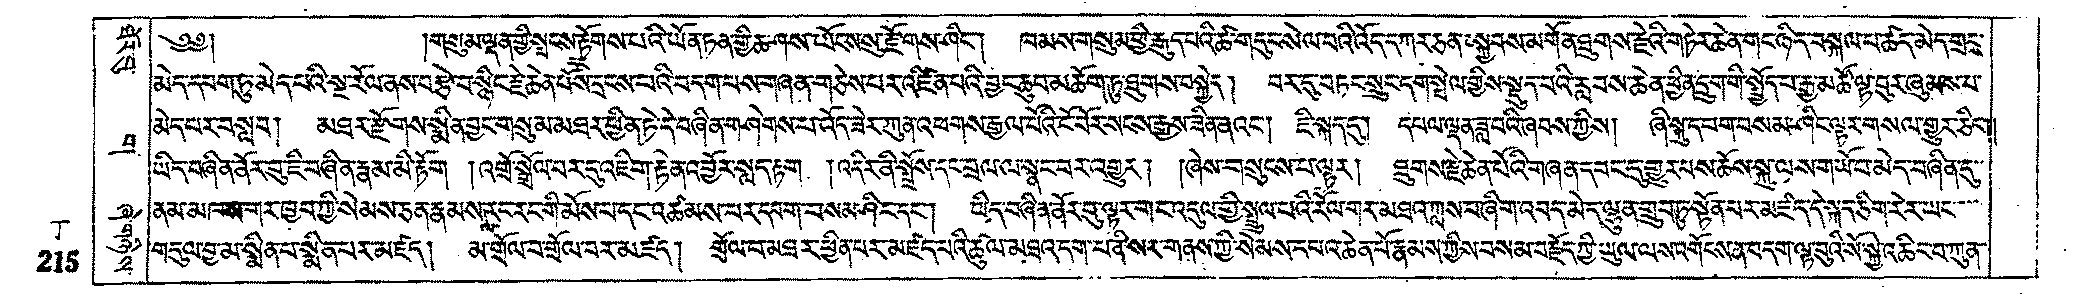༄༅། །གསུམ་ལྡན་གྱི་སྤངས་རྟོགས་པའི་ཡོན་ཏན་གྱི་ཆ་ཤས་ཡོངས་སུ་རྫོགས་ཤིང་། ཁམས་གསུམ་གྱི་རྒུད་པའི་ཚ་གདུང་སེལ་བའི་འོད་དཀར་ཅན ༧སྐྱབས་མགོན་ཐུགས་རྗེའི་གཏེར་ཆེན་གང་ཉིད་བསྐལ་པ་ཚད་མེད་གྲངས་
མེད་དཔག་ཏུ་མེད་པའི་སྔ་རོལ་ནས་བརྩེ་བ་སྙིང་རྗེ་ཆེན་པོས་དྲངས་པའི་བདག་པས་གཞན་གཅེས་པར་འཛིན་པའི་བྱང་ཆུབ་མཆོག་ཏུ་ཐུགས་བསྐྱེད། བར་དུ་བཏང་སྲུང་དག་སྤེལ་གྱིས་སྡུད་པའི་རླབས་ཆེན་ཕྱིན་དྲུག་གི་སྤྱོད་པ་རྒྱ་མཚོ་ལྟ་བུར་ཞུམས་པ་
མེད་པར་བསླབ། མཐར་རྫོགས་སྨིན་བྱང་གསུམ་མཐར་ཕྱིན་ཏེ་དེ་བཞིན་གཤེགས་པ་འོད་ཟེར་ཀུན་འཕགས་རྒྱལ་པོའི་ངོ་བོར་སངས་རྒྱས་ཟིན་ནའང་། ཇི་སྐད་དུ། དཔལ་ལྡན་ཟླ་བའི་ཞབས་ཀྱིས། ཞི་སྐུ་དཔག་བསམ་ཤིང་ལྟར་གསལ་གྱུར་ཅིང་། །
ཡིད་བཞིན་ནོར་བུ་ཇི་བཞིན་རྣམ་མི་རྟོག །འགྲོ་སྒྲོལ་བར་དུ་འཇིག་རྟེན་འབྱོར་སླད་རྟག །འདིར་ནི་སྤྲོས་དང་བྲལ་ལ་སྣང་བར་འགྱུར། །ཞེས་གསུངས་པ་ལྟར། ཐུགས་རྗེ་ཆེན་པོའི་གཞན་དབང་དུ་གྱུར་པས་ཆོས་སྐུ་ལས་གཡོ་བ་མེད་བཞིན་དུ་་་
ནམ་མཁས་གར་ཁྱབ་ཀྱི་སེམས་ཅན་རྣམས་ལ་རང་རང་གི་མོས་པ་དང་འཚམས་པར་དཔག་བསམ་ཤིང་དང་། ཡིད་བཞིན་ནོར་བུ་ལྟར་གང་འདུལ་གྱི་སྤྲུལ་པའི་རོལ་གར་མཐའ་ཀླས་པ་ཞིག་འབད་མེད་ལྷུན་གྲུབ་ཏུ་སྟོན་པར་མཛད་དེ་སྐད་ཅིག་རེར་ཡང་་་
གདུལ་བྱ་མ་སྨིན་པ་སྨིན་པར་མཛད། མ་གྲོལ་བ་གྲོལ་བར་མཛད། གྲོལ་བ་མཐར་ཕྱིན་པར་མཛད་པའི་ཚུལ་མཐའ་དག་པ་ནི་སར་གནས་ཀྱི་སེམས་དཔའ་ཆེན་པོ་རྣམས་ཀྱིས་བསམ་བརྗོད་ཀྱི་ཡུལ་ལས་འགོངས་ན་བདག་ལྟ་བུའི་སོ་སྐྱེ་འཆིང་བ་ཀུན་་་